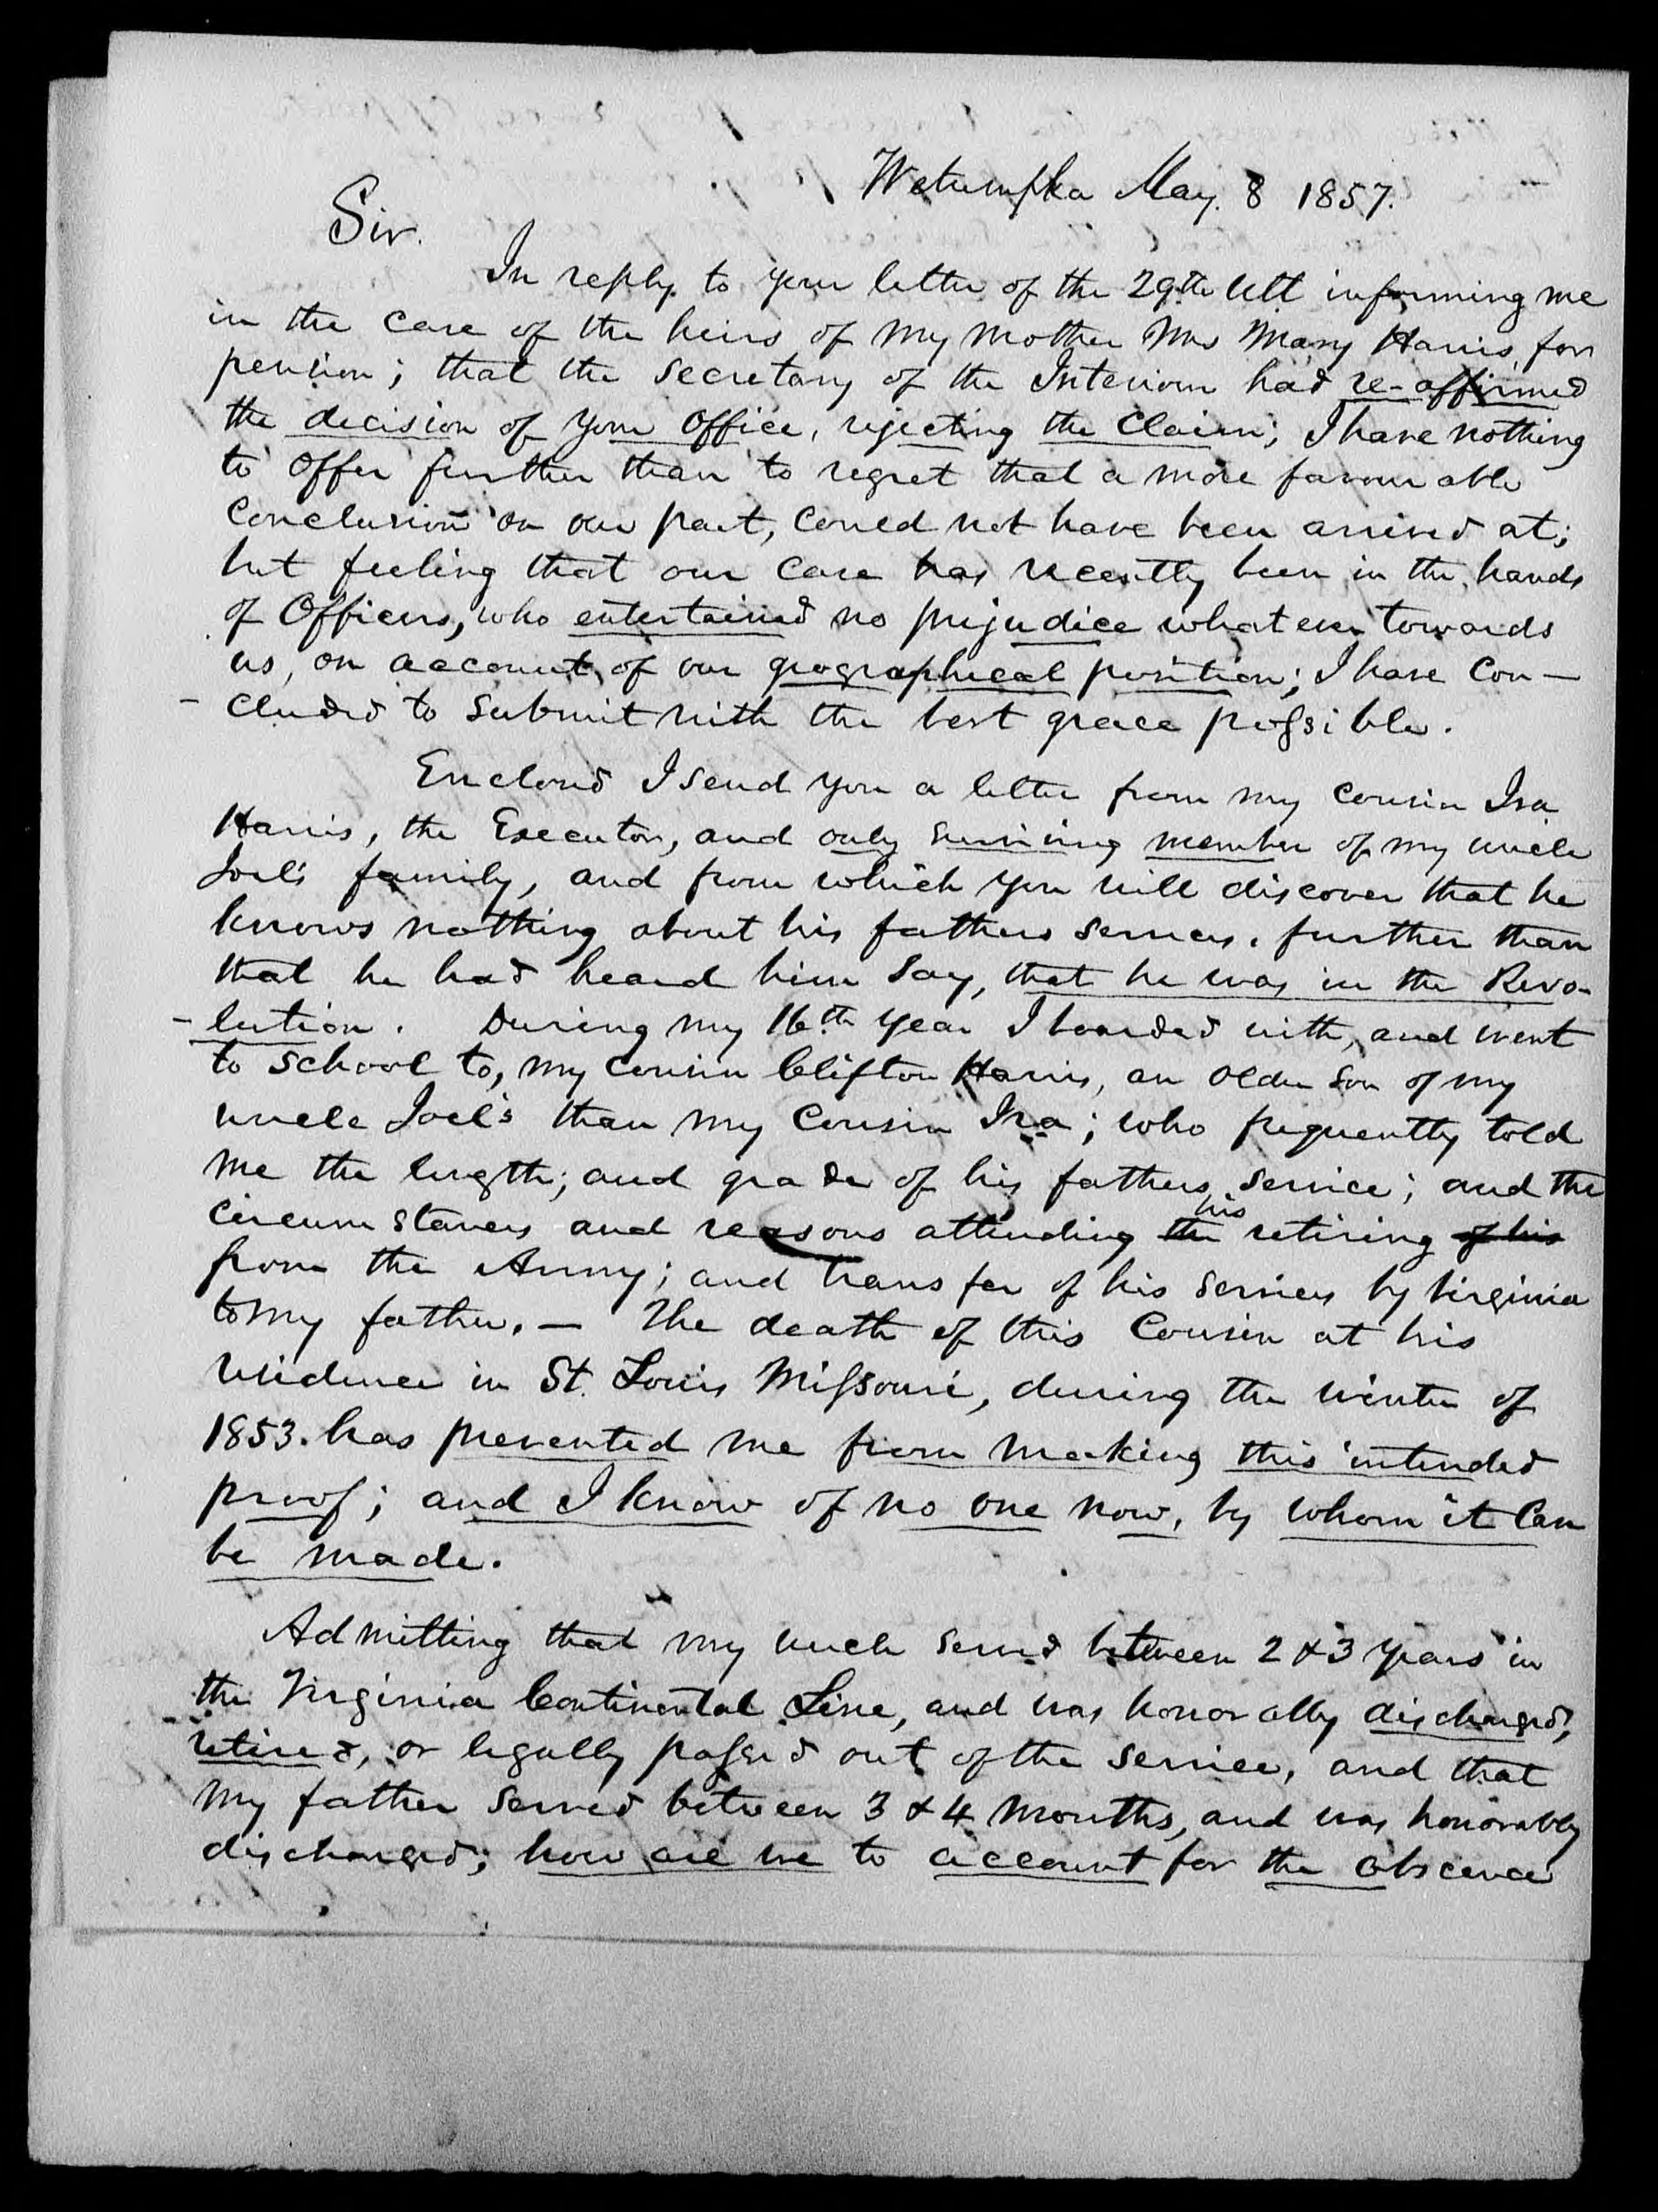Wetumpka May 8 1857

Sir,
In reply to your letter of the 29th ult.  informing me in the case of the heirs of my mother Mrs. Mary Harris for pensions, that the Secretary of the Interior had re-affirmed the decision of your office, rejecting the claim; I have nothing to offer further than to regret that a more favourable conclusion on our part, could not have been arrived at, but feeling that our case has recently been in the hand of Officers, who entertained no prejudice whatever towards us, on account of our geographical position, I have concluded to submit with the best grace possible.
Enclosed I send you a letter from my cousin Ira Harris, the Executor, and only surviving member of my uncle Joel's family, and from which you will discover that he knows nothing about his fathers services, further than that he had heard him say, that he was in the Revolution.  During my 16th year, I boarded with, and went to school to, my cousin Clifton Harris, an older son of my uncle Joel's than my cousin Ira, who frequently told me the length, and grade of his fathers service, and the circumstances and reasons attending this retiring [marked out:  of his] from the Army, and transfer of his services by Virginia to my father.  The death of this cousin at his residence in St. Louis Missouri, during the winter of 1853 has prevented me from making this intended proof, and I know of no one now, by whom it can be made.
Admitting that my uncle served between 2 & 3 years in the Virginia Continental Line, and was honorably discharged, retired, or legally passed out of the service, and that my father served between 3 & 4 months, and was honorably discharged, how are we to account for the absence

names: Clifton Harris, Mary Harris, Ira Harris, Joel, Joel, Ira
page: 152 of 160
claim: rejected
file: R. 4666, James Harris, Va.